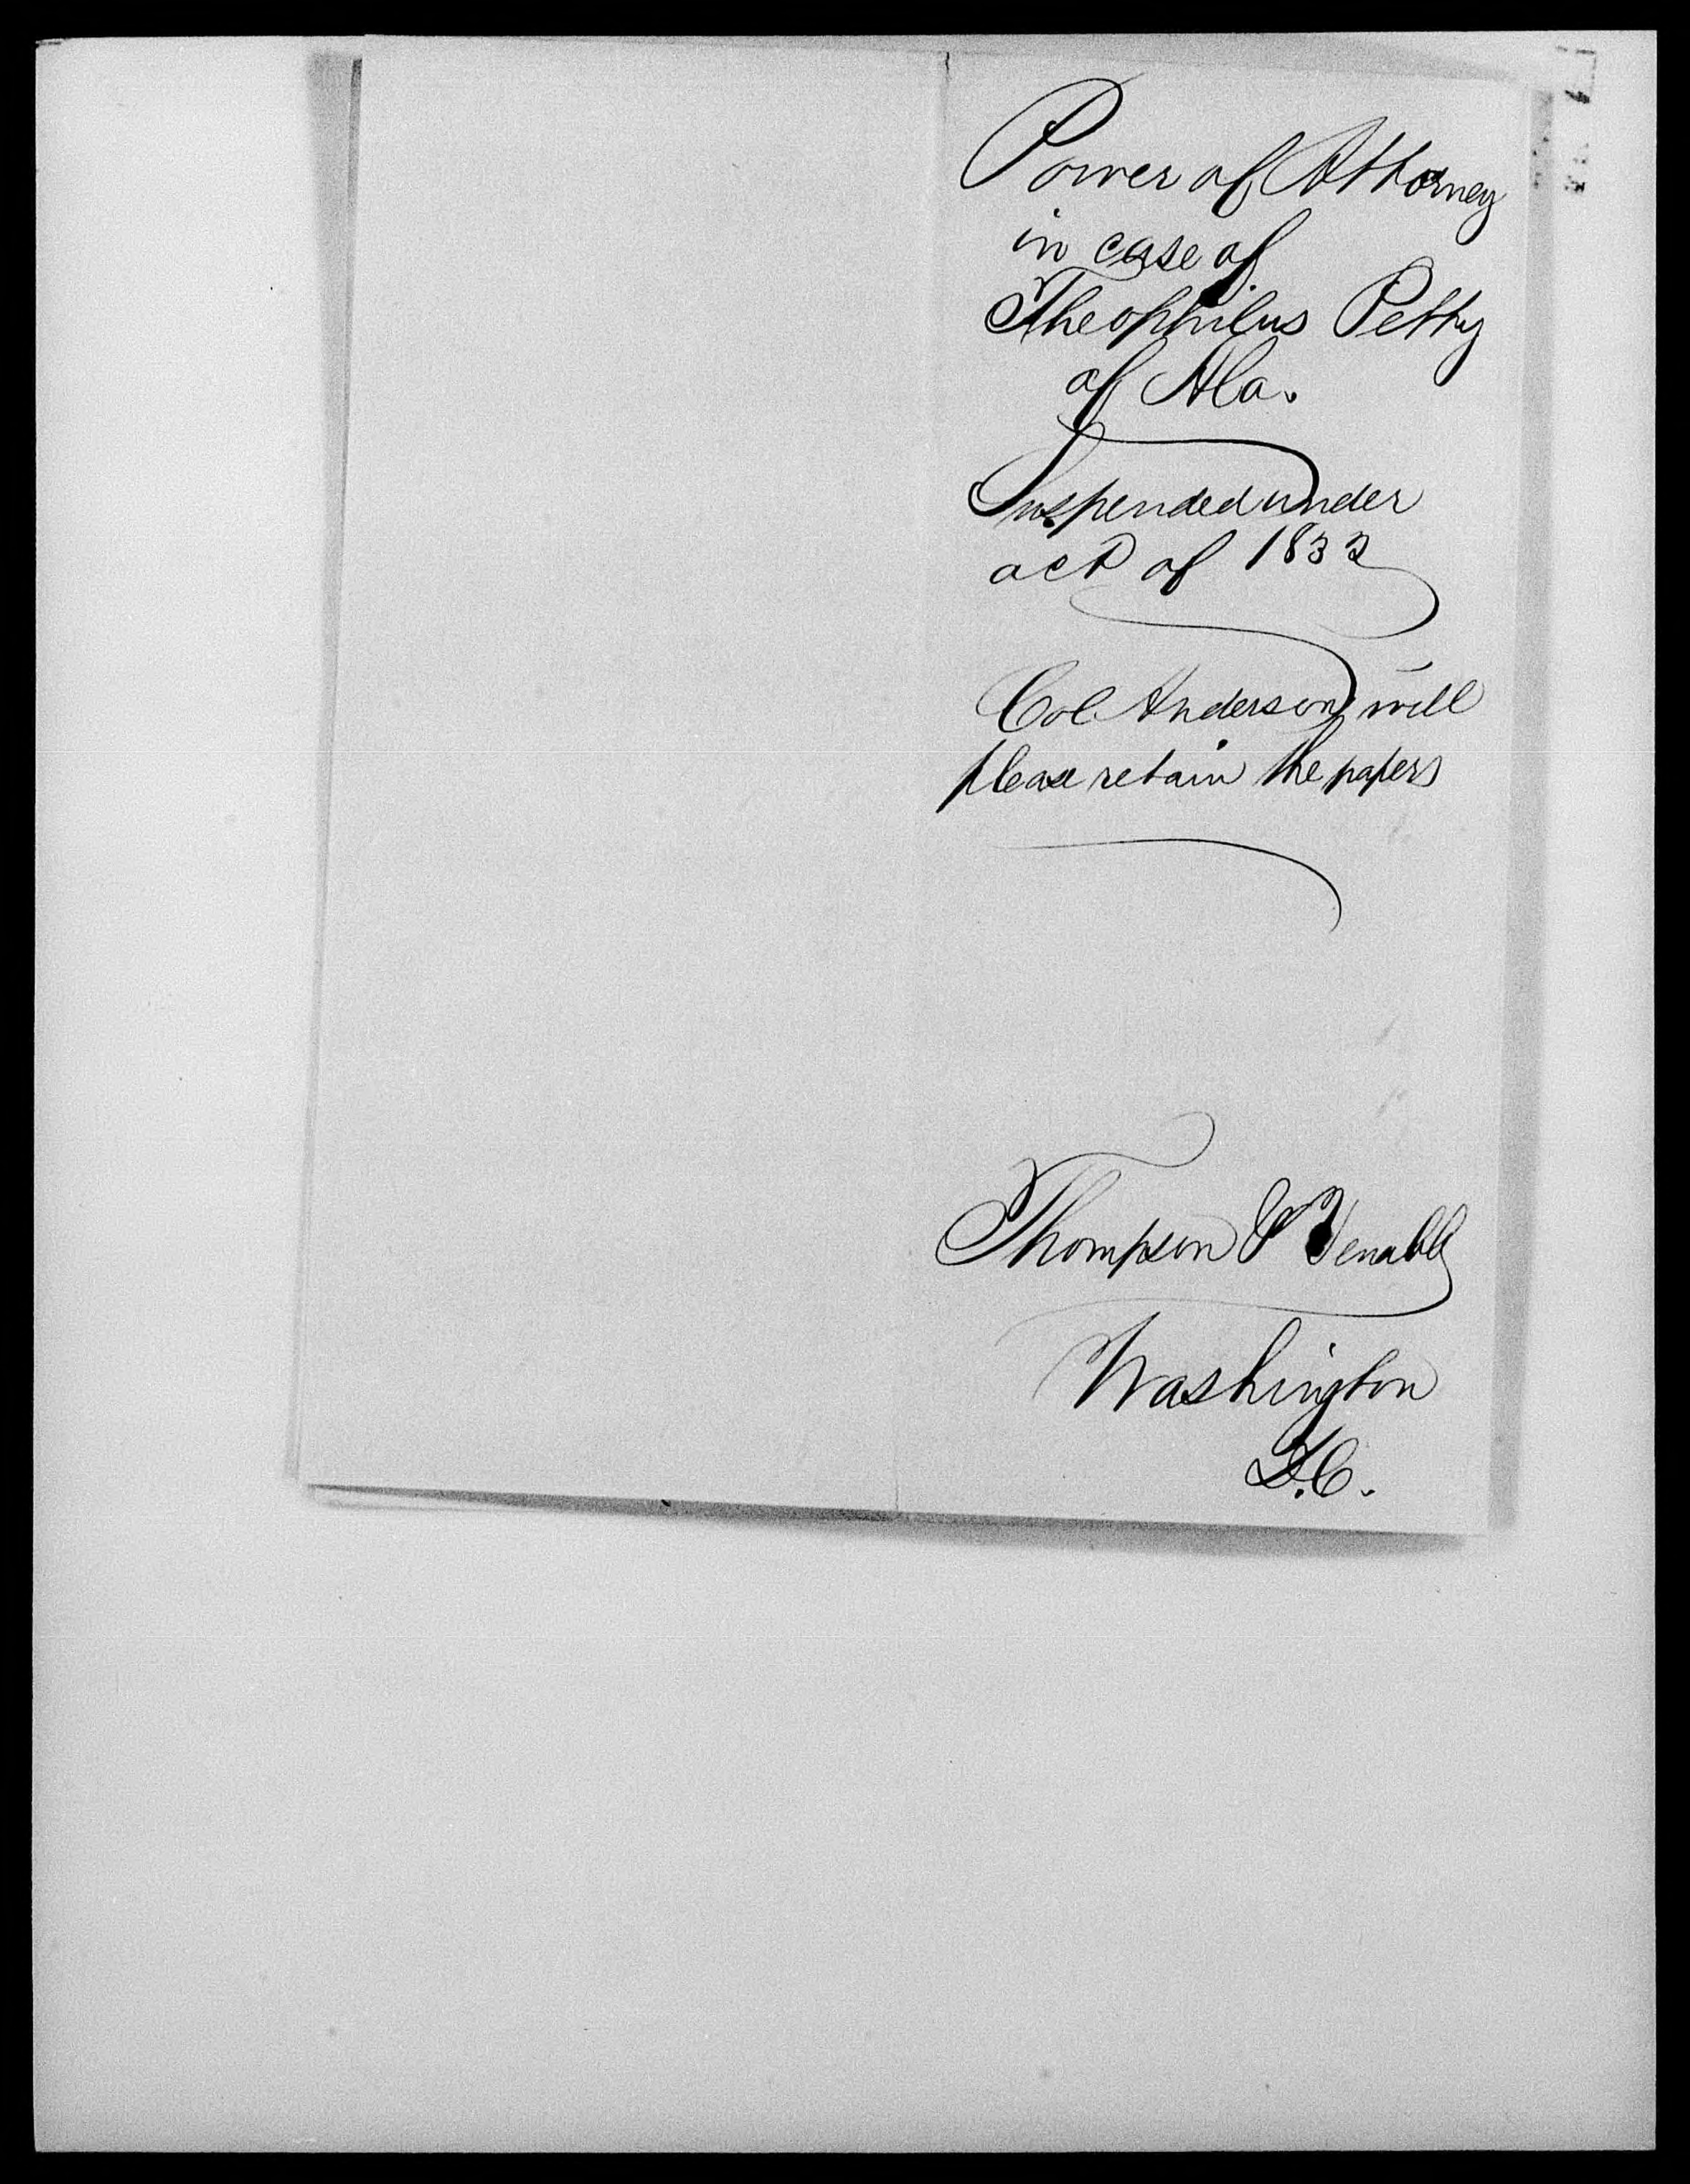Power of Attorney in Case of Theophilus Petty of Ala
Suspended under act of 1832
Col Anderson will please retain the papers

Thompson Venable
Washington DC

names: Theophilus Petty; [BLANK] Thompson; [BLANK] Venable; [BLANK] Anderson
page: 23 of 26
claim: rejected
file: R. 8,161, for Theophilus Petty, South Carolina